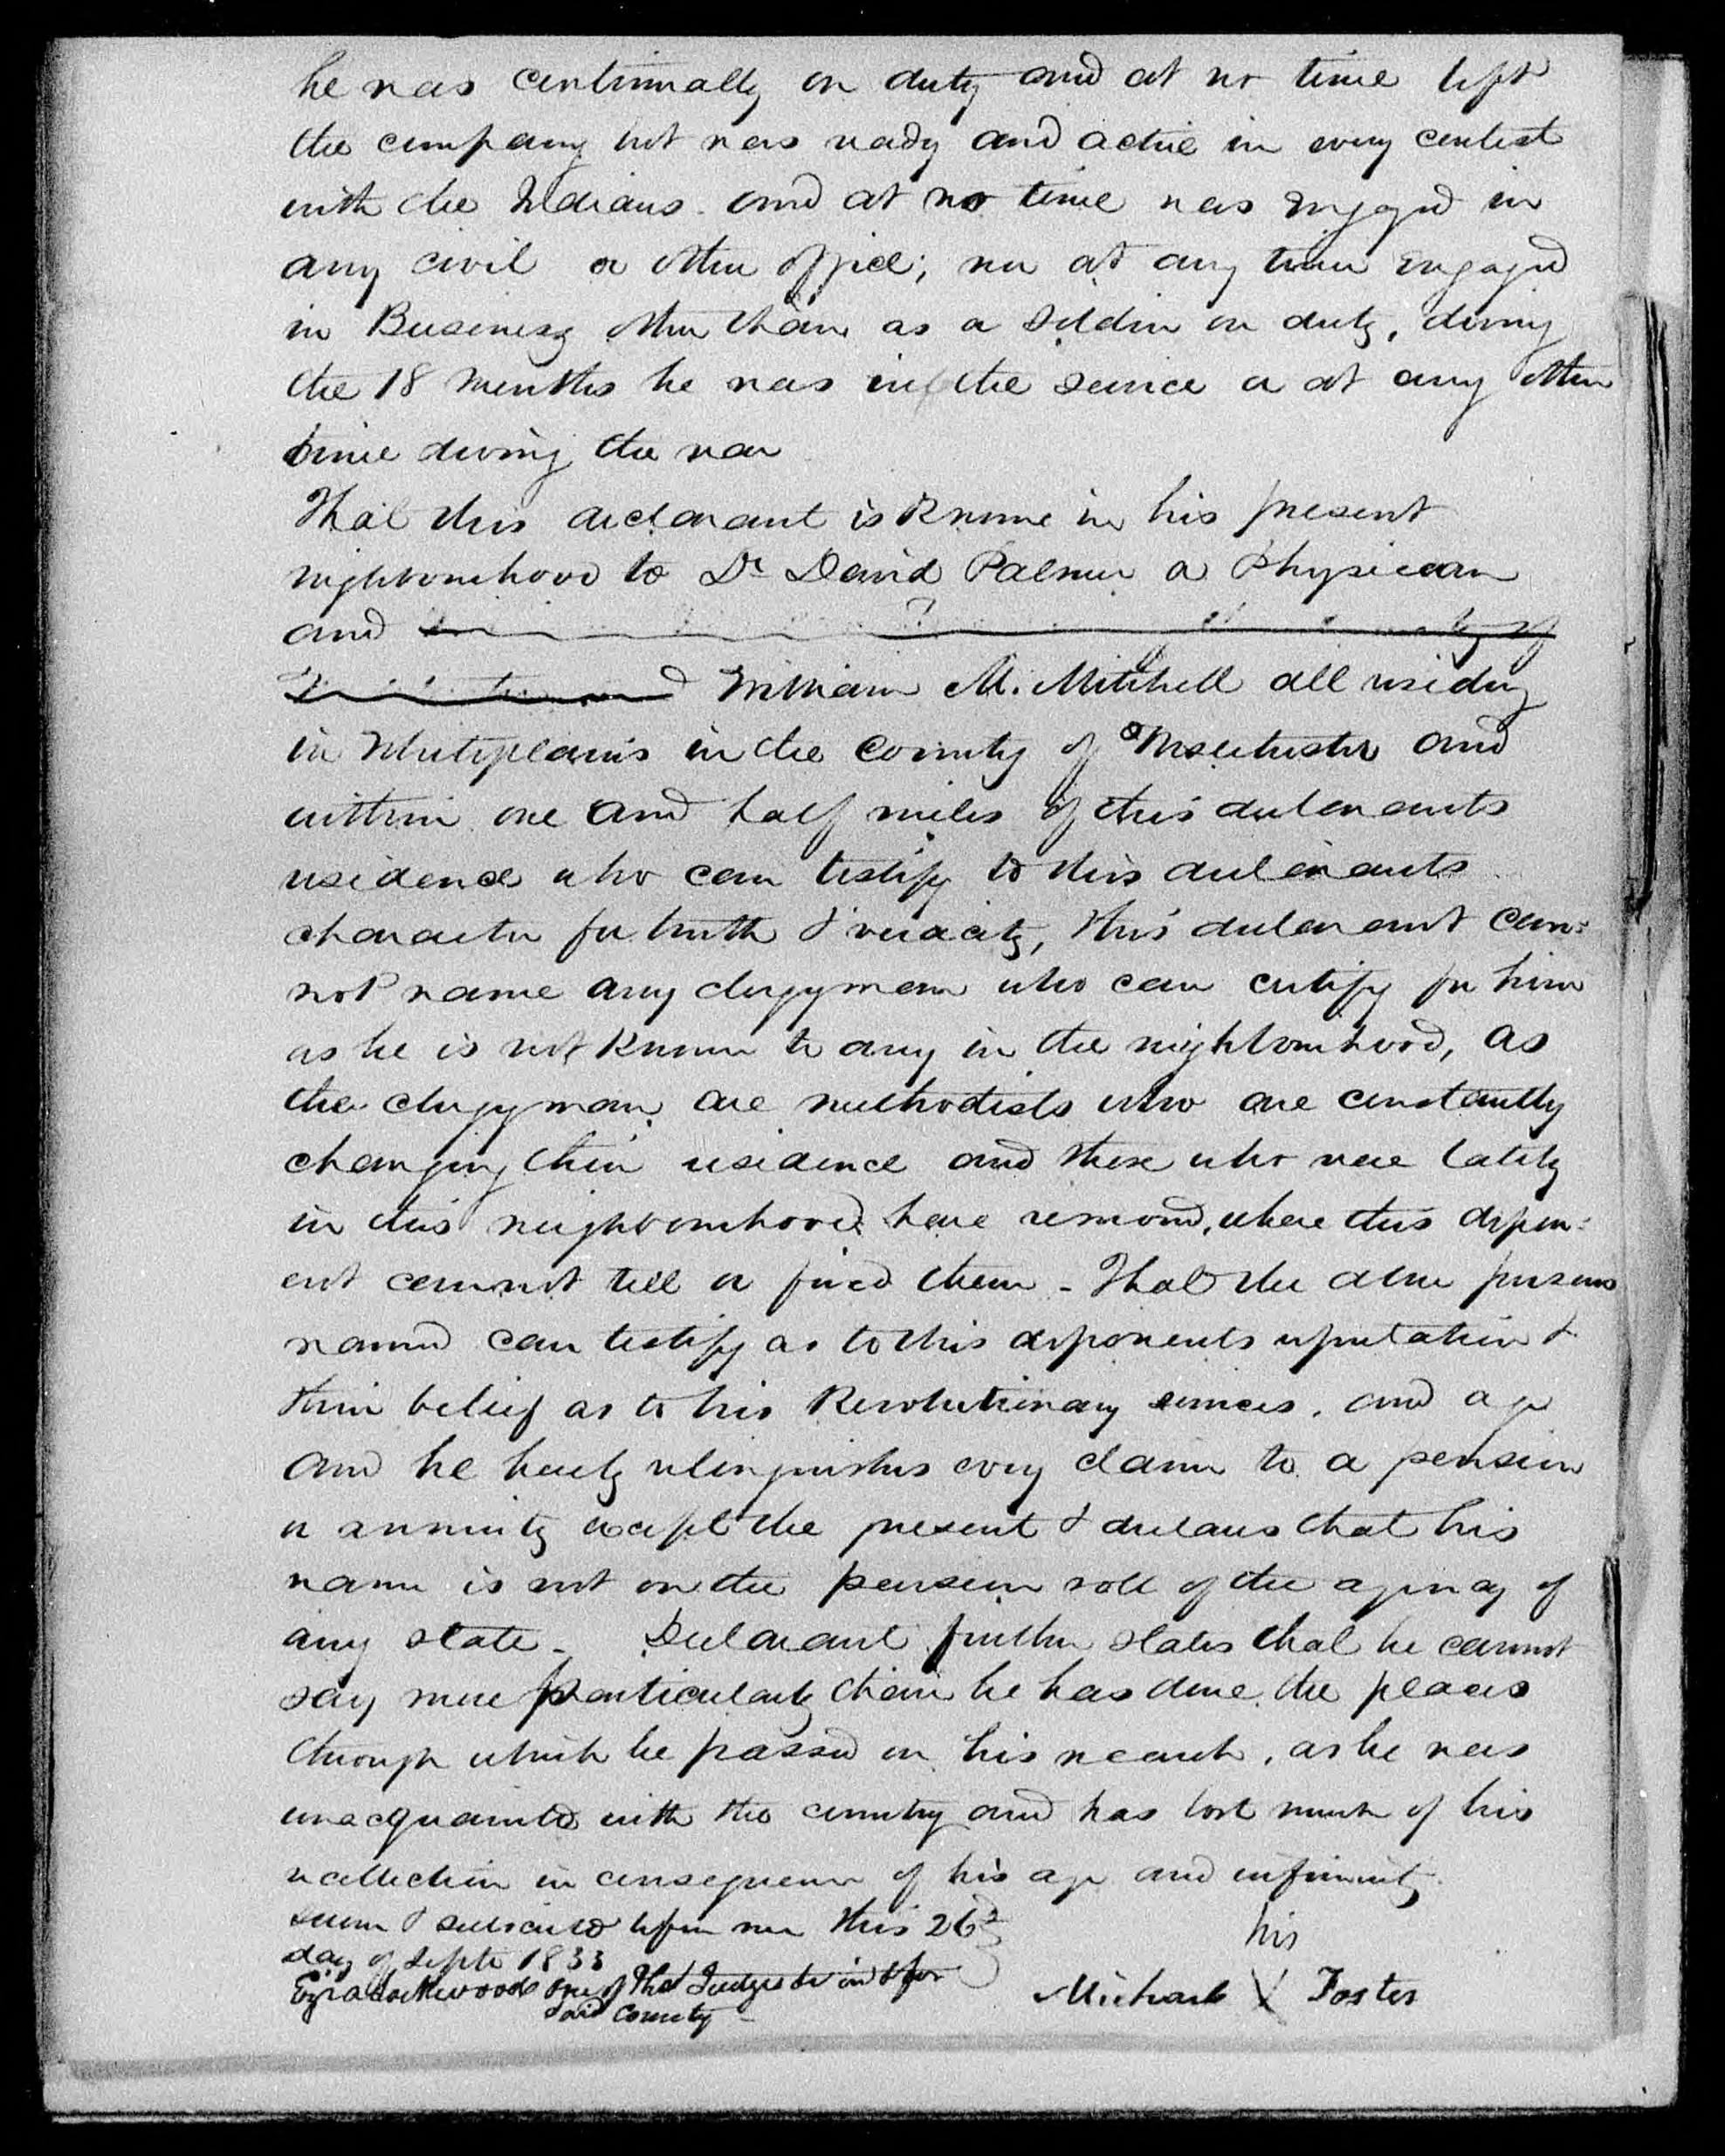he was continually on duty--and at no time left the company but was ready and active in every contest with the Indians. And at no time was engaged in any civil or other office; nor at any time Engaged in Business other than as a Soldier on duty, during the 18 months he was in the service or at any other time during the war.
That this declarant is known in his present neighborhood to Dr. David Palmer a physician and____________________________________
William M. Mitchell all residing Whiteplains in the county of West Chester and within one and half miles of this declarants residence who can testify to this declarants character for truth & veracity, this declarant can not name any clergyman who can certify for him as he is not known to any in the neighborhood, as the clergymen are Methodists who are constantly changing their residence and then who were lately in this neighborhood have removed, where this deponent can tell or find them. That the other persons named can testify as to this deponents reputation & their belief as to his Revolutionary service and (unreadable) he hereby relinquishes every claim to a pension or annuity except the present & declares that his name is not on the pension roll of the agency of any state. Declarant further states that he cannot say more particularly than he has done the places through which he passed in his reaccount, as he was unacquainted with the country and has not much of his recollection in consequence of his age and infirmity. 
Michael Foster
X his mark
Sworn & subscribed before me this 26th day of Sept 1833
Ezra Lockwood one of the Judges as in aforesaid county.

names: William M Mitchell, David Palmer, Michael Foster, Ezra Lockwood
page: 9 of 57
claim: widow's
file: W. 5275 1/2, Michael Foster, Penn.